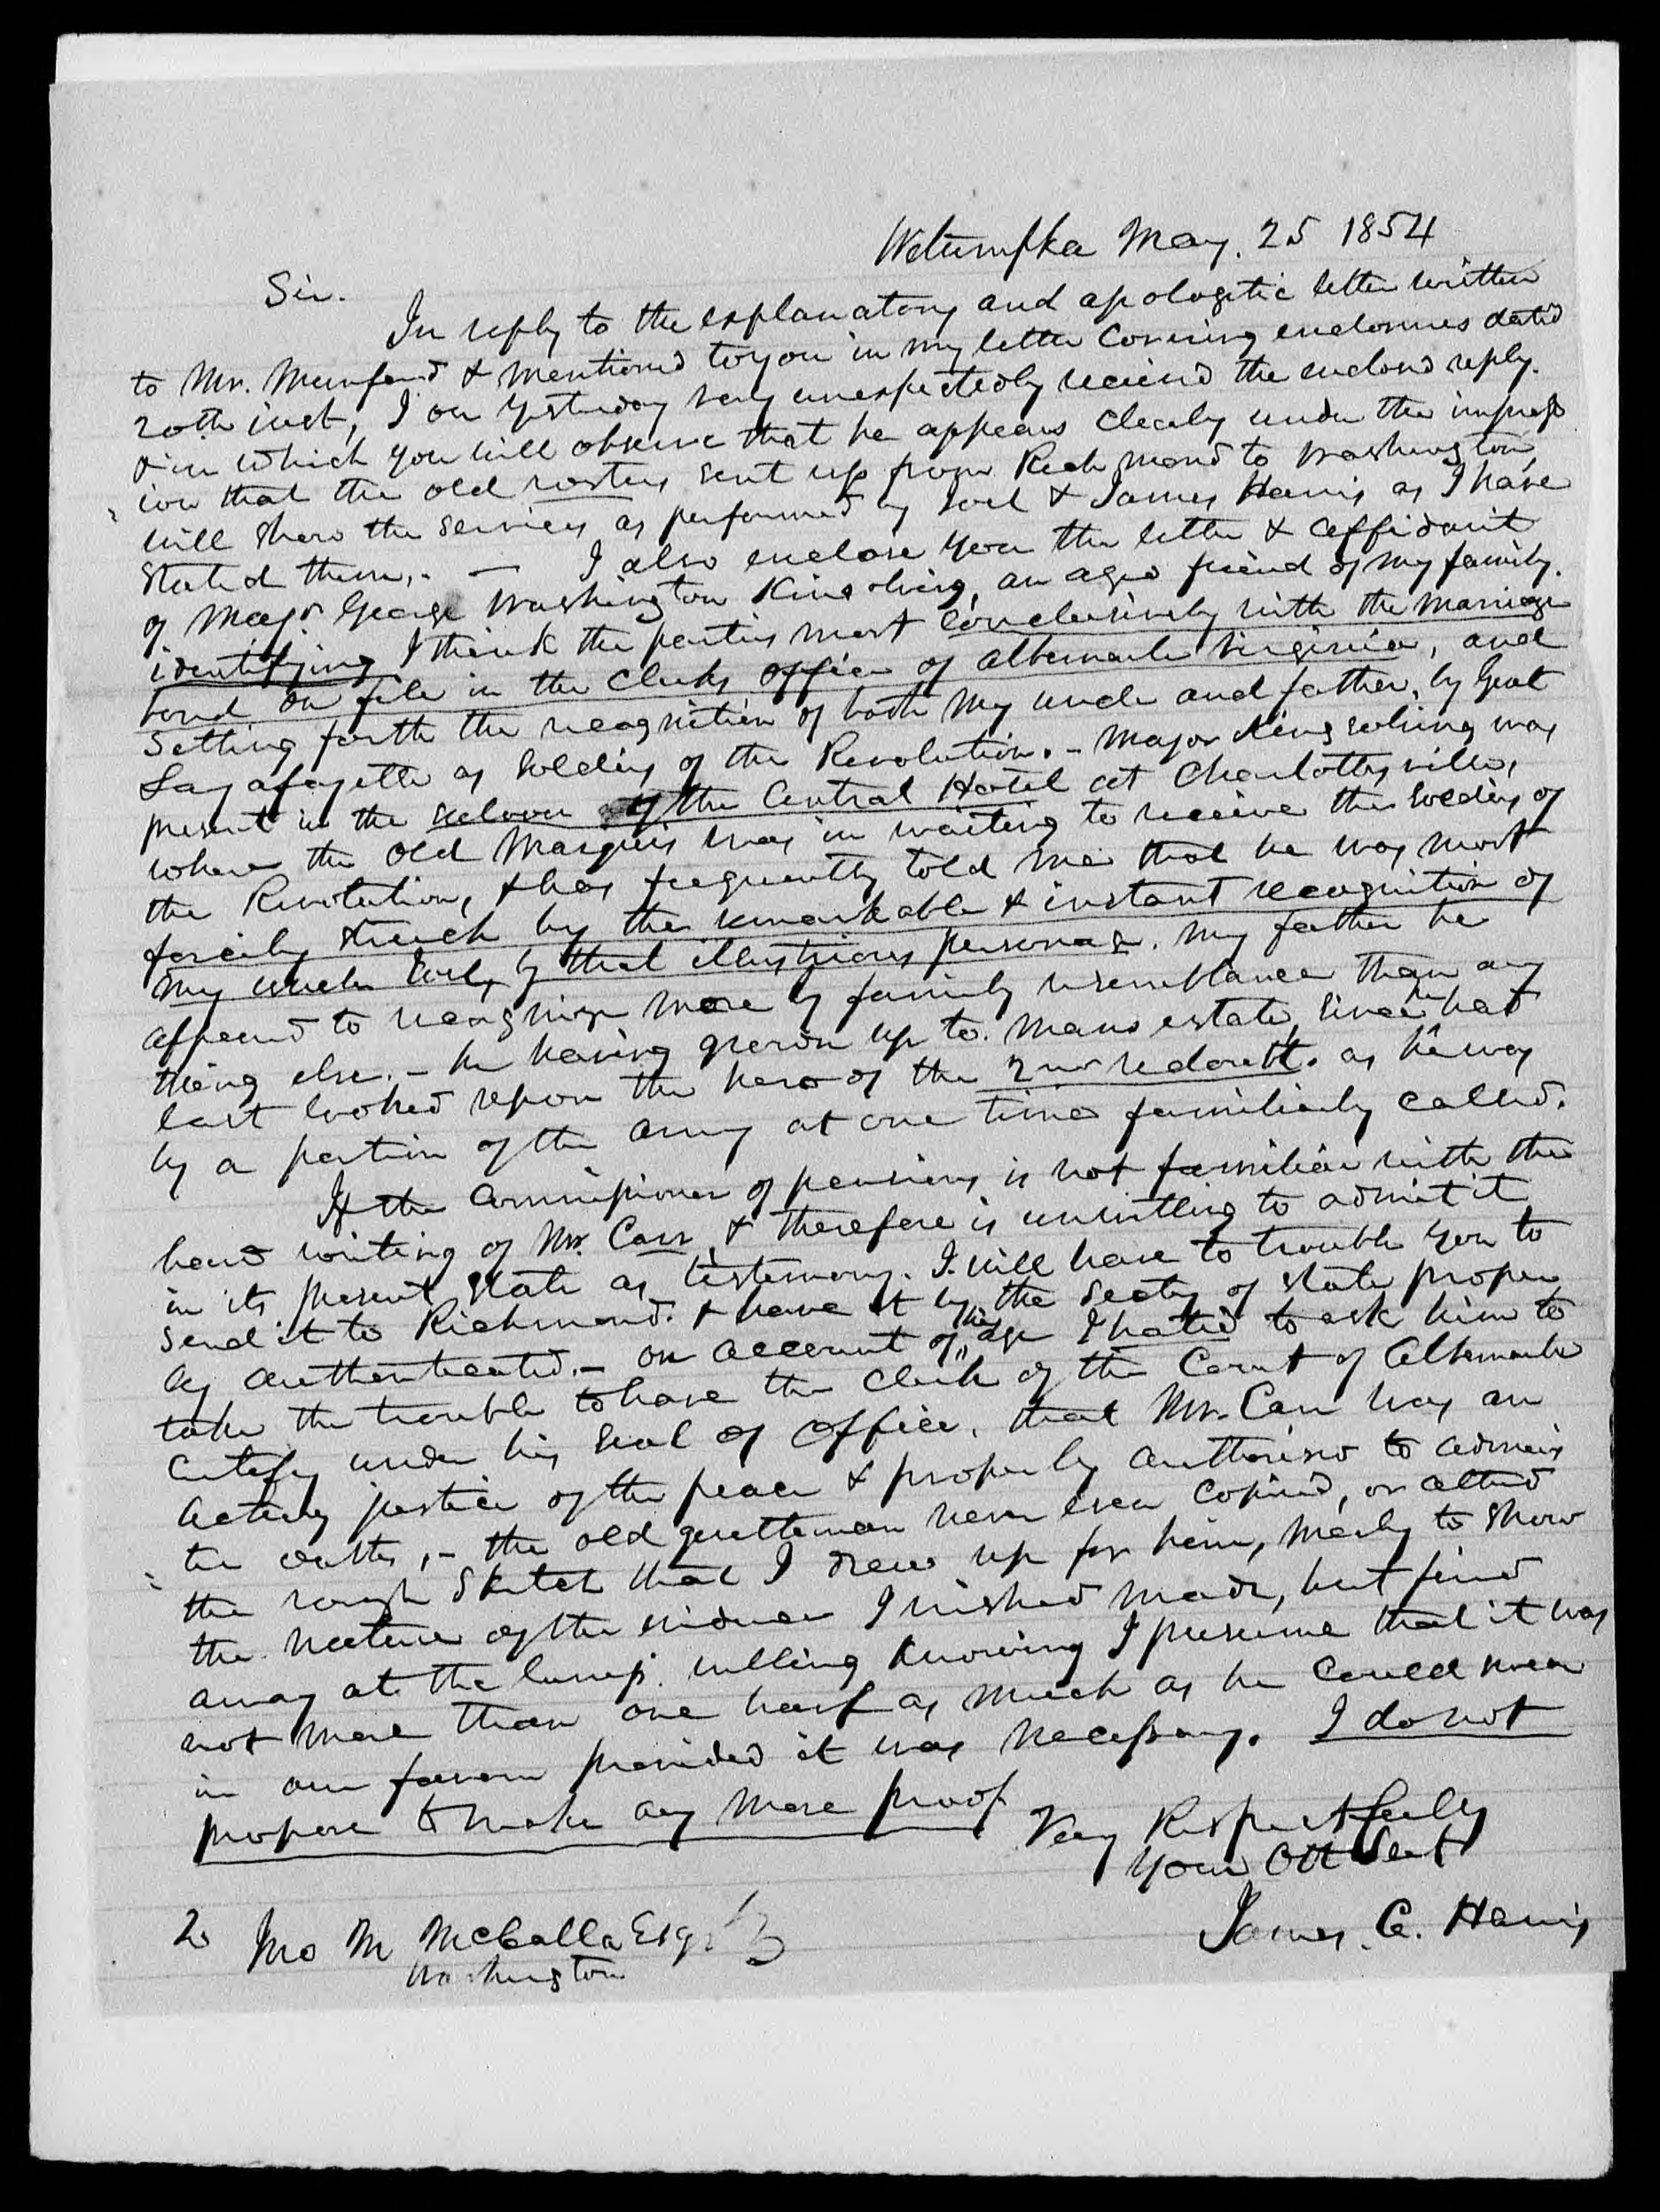Wetumpka May 25, 1854

Sir
In reply to the explanatory and apologetic letter written to Mr Munford & mentioned to you in my letter covering [?] dated 20th inst. I on yesterday very unexpectedly received the enclosed reply &  in which you will observe that he appears clearly under the impression that the old rosters sent up from Richmond to Washington will show the services as performed by Joel & James Harris as I have stated them.--I also enclose you the letter & affidavit of Majr George Washington Kinsolving, an aged friend of my family identifying I think the [?] most conclusively with the marriage bond on file in the clerks office of Albemarle Virginia, and setting forth the reognition [sic] of both my uncle and father, by Genl Lafayette as soldiers of the Revolution.  Major Kinsolving was present in the [?] of the Central Hotel at Charlottesville when the old Marquis was in waiting to receive the  soldiers of the Revolution, & he frequently told me that he was most forcibly touch [sic] by the remarkable & instant recognition of my uncle Joel by that illustrious person.  My father he appeared to recognize more by family resemblance than anything else.--he having grown up to mans estate since he had last looked upon the hero of the 2nd redoubt, as he was by a portion of the army at one time familiarly called.
If the Commissioner of Pensions is not familiar with the hand writing of Mr Carr & therefore is unwilling to admit it in its present state as testimony, I will have to trouble you to send it to Richmond & have it by the Secty of State properly authenticated.--On account of his age I hated to take the trouble to ask him to have the Clerk of the Court of Albemarle certify under his seal of office, that Mr. Carr was an acting justice of the peace & properly authorized to administer oaths, -- the old gentleman never even copied or altered the rough sketch that I drew up for him, merely to show the nature of the evidence I wished made, but fired away at the lump, willing knowing I presume that it was not more than one half as much as he could [?] in our favor provided it was necessary.  I do not propose to make any more proof.
Very Respectfully
Your Obt Servt
James C. Harris

To Jno M McCalla Esqr
Washington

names: Munford, James C Harris, Carr, Jno M Mc Calla, James Harris, Kingsolving, Layafayette, George Washington, Joel Harris, Carr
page: 63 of 160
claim: rejected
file: R. 4666, James Harris, Va.